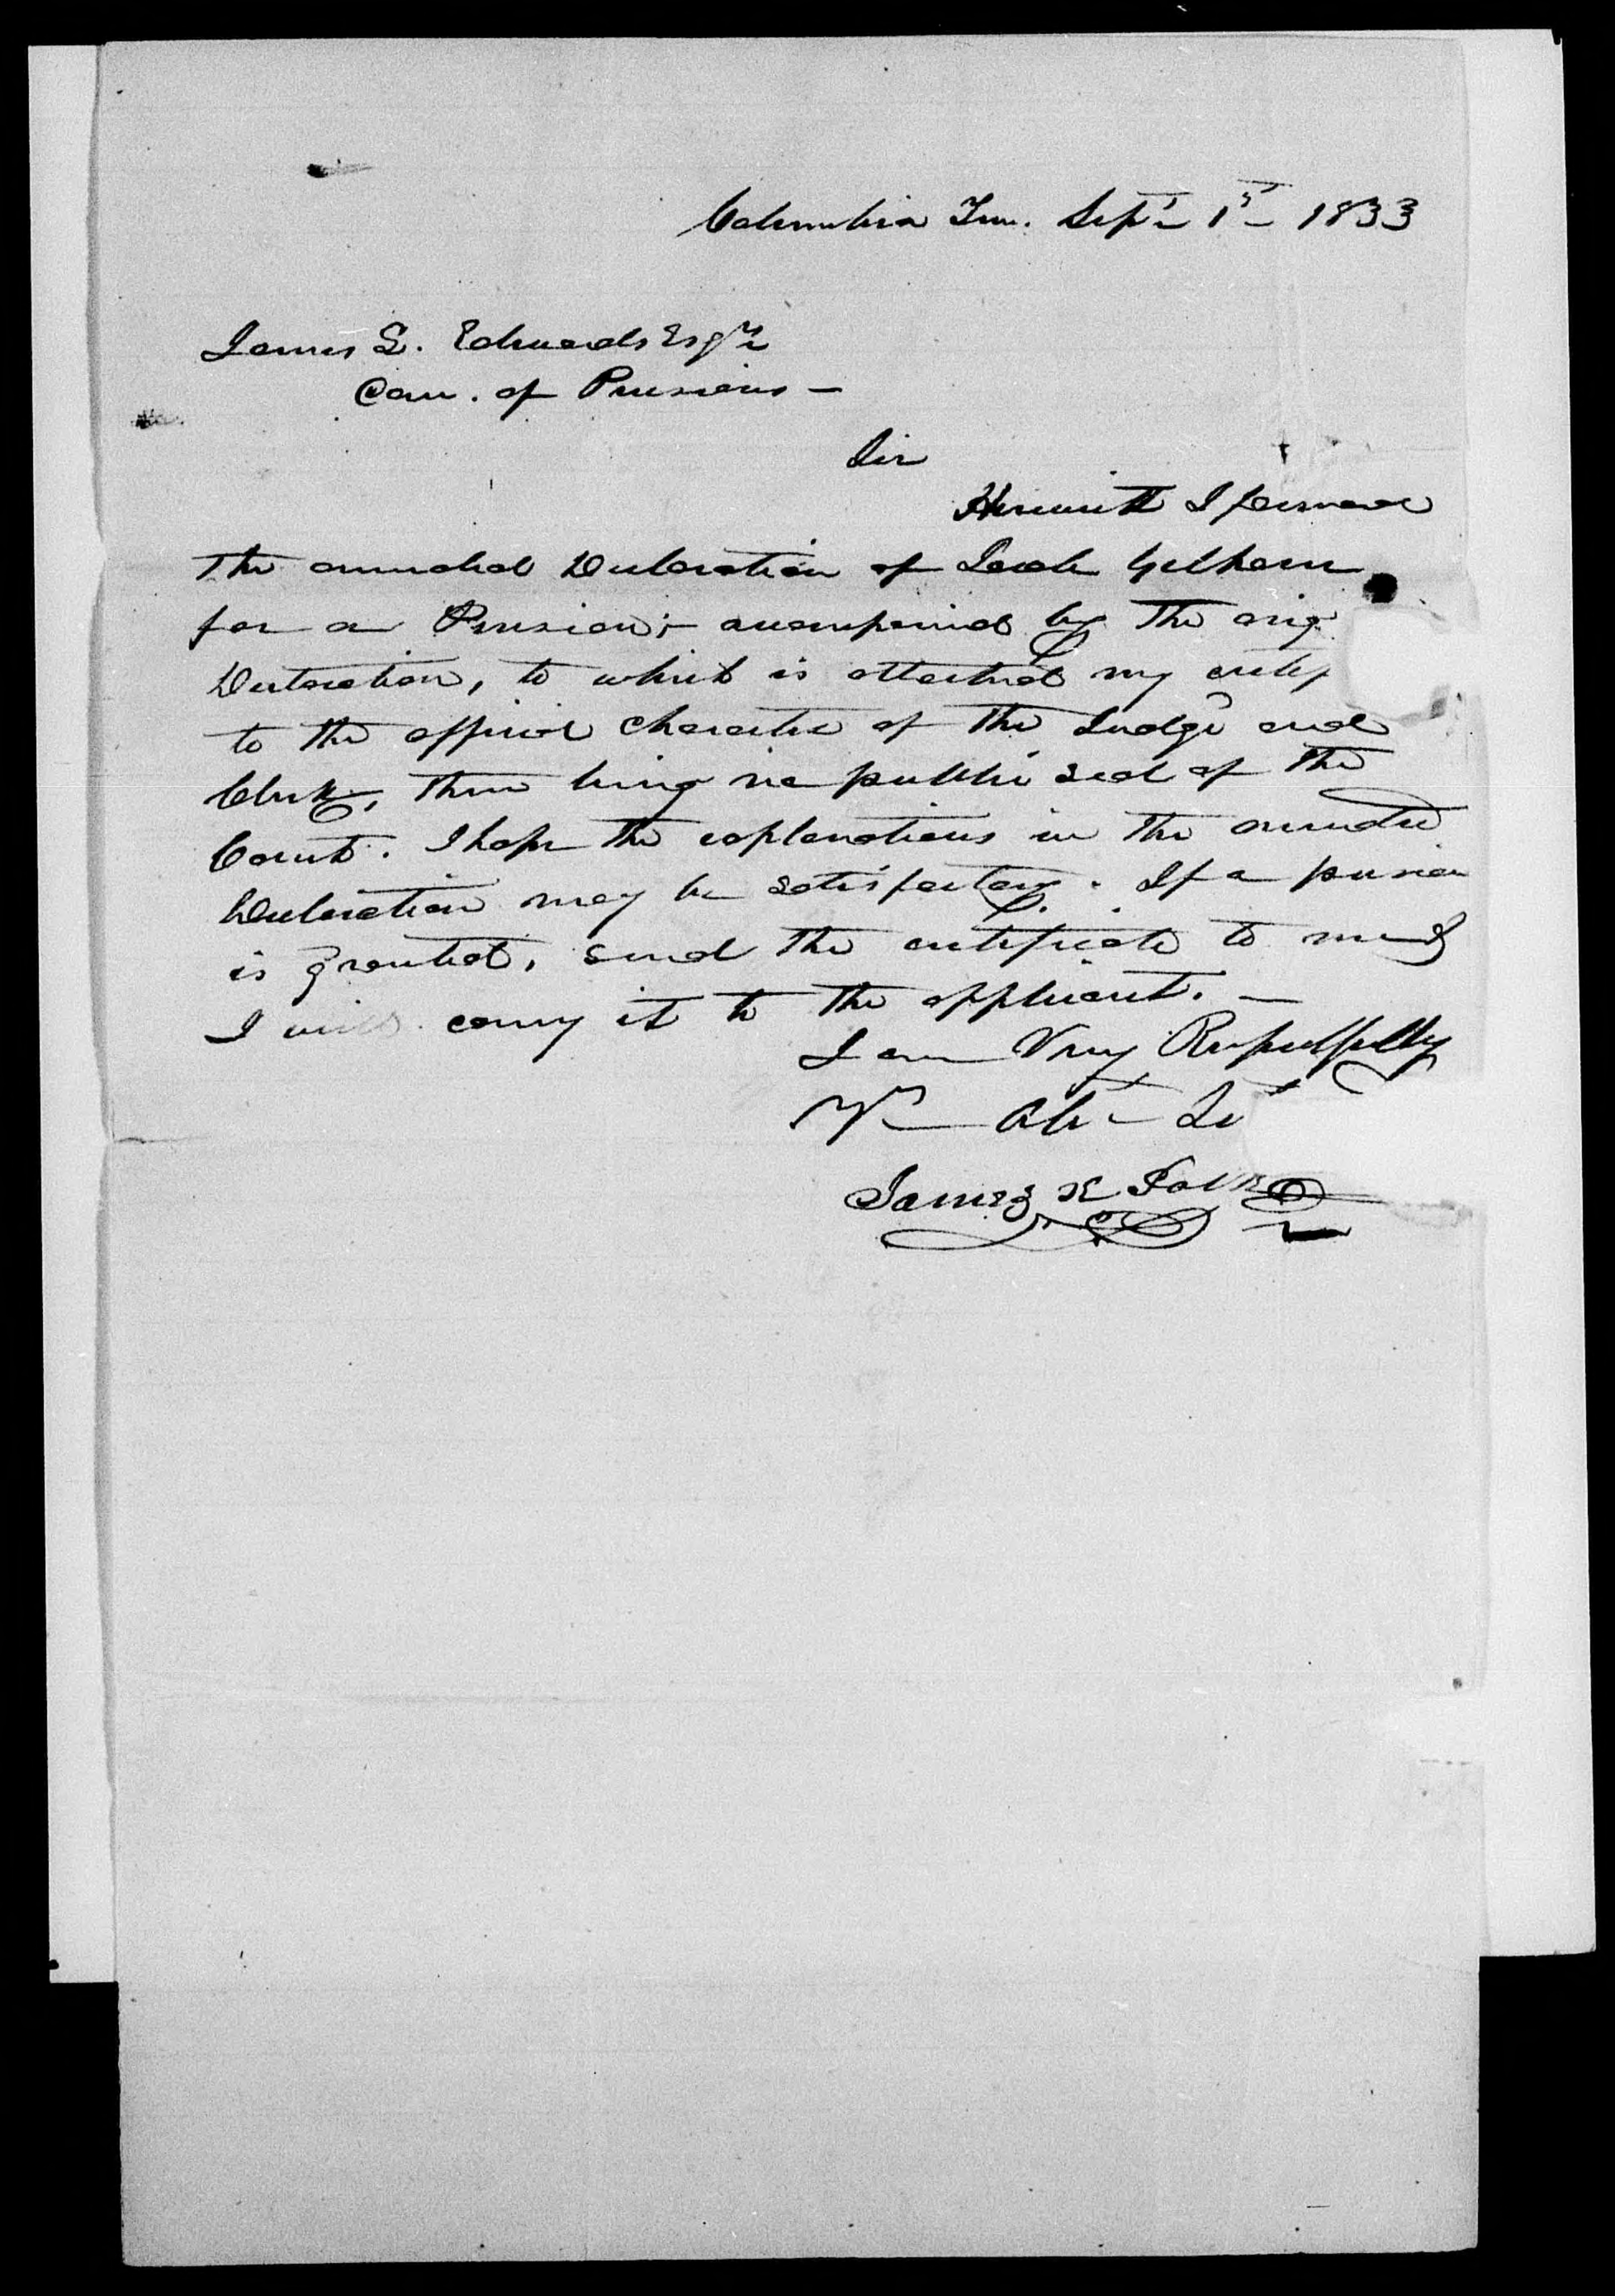Columbia Tenn Sept 1 1833
James S Edwards Esqr
Com of Pensions
Sir
Herewith I pesent the amended declaration of Jacob Gilham for a pension accompanied by the orig declaration to which is attested my cretep to the official character of the judge and clerk there being no public seal of the court I hope the coplenations in the amended declaration may be satisfactory If a pension is granted send the certificate to me & I will carry it to the applicant
I am Very Respectfully 
Yr ob se
James K Polk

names: James K Polk, James L Edwards, Jacob Gilham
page: 17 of 17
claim: survivor's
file: S 3397, Jacob Gillham, S.C.